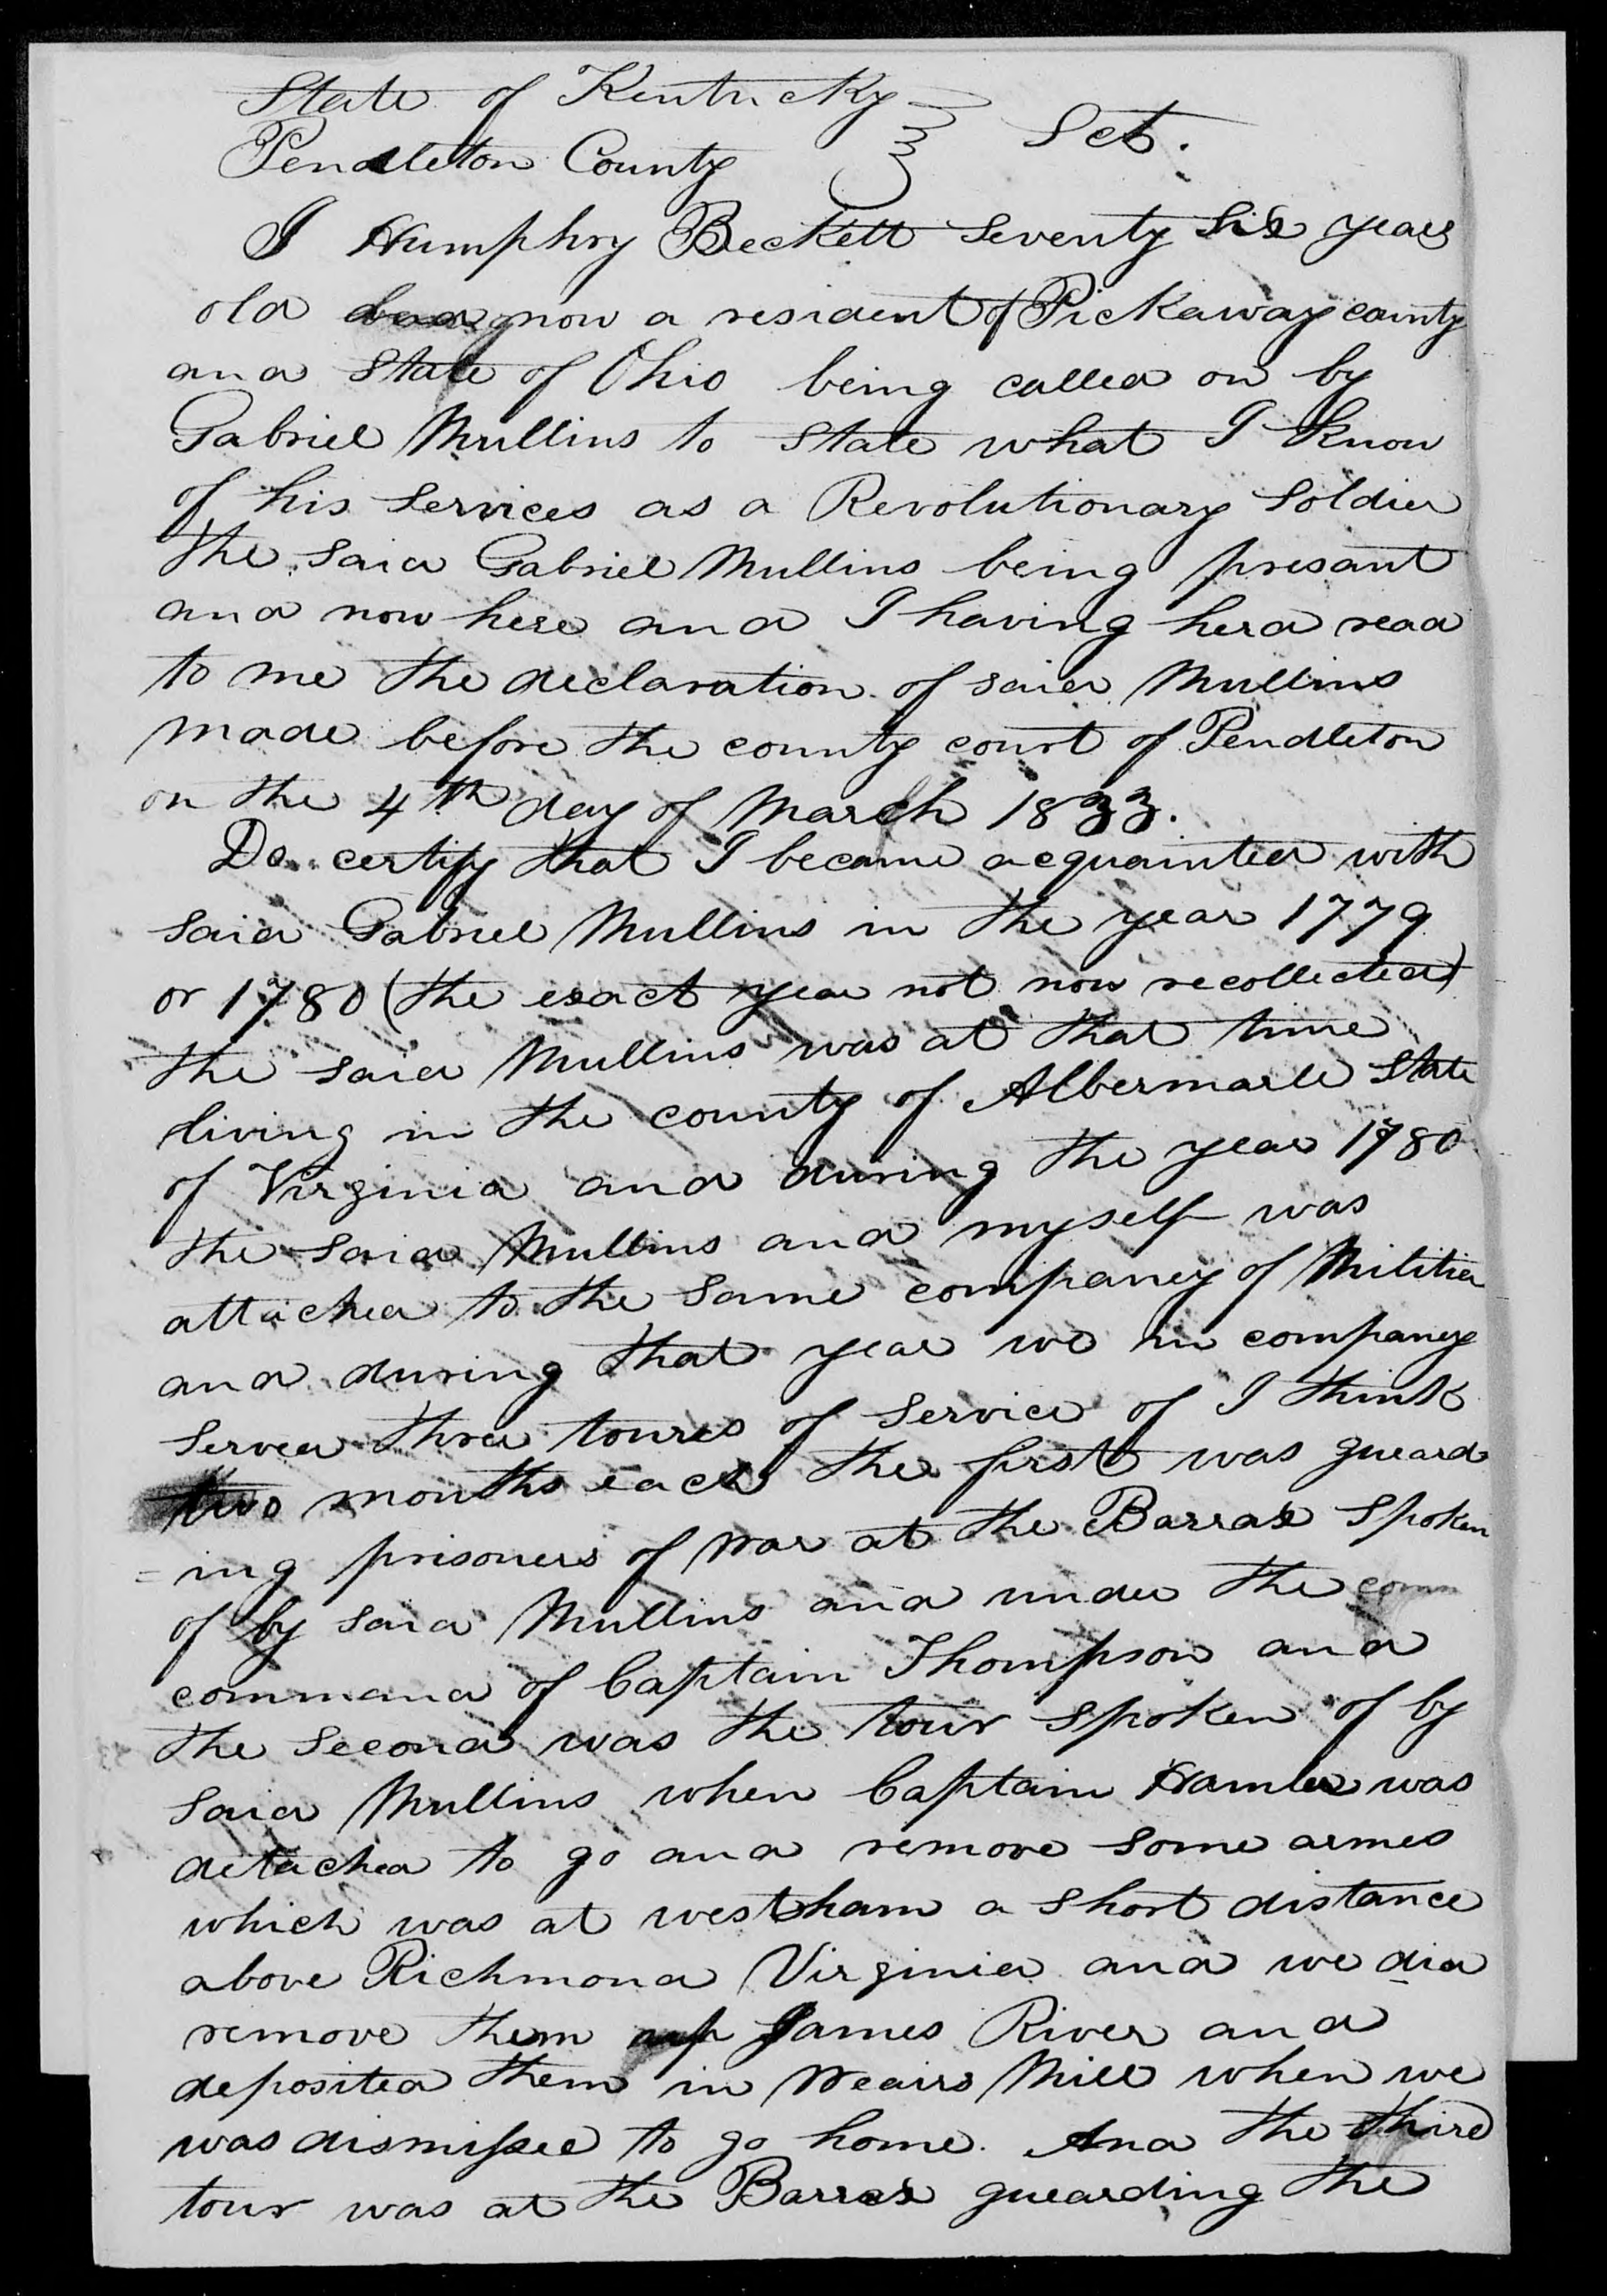State of Kentucky }
Pendleton County} Set

I Humphry Beckett Seventy Six years
old now a resident of Pickaway County
and State of Ohio being called on by
Gabriel Mullins to State what I know
of his services as a Revolutionary Soldier
the said Gabriel Mullins being present
and now here and I having herd read
to me the declaration of said Mullins
made before the County Court of Pendleton
on the 4th day of March 1833
Do certify that I became acquainted with
said Gabriel Mullins in the year 1779
or 1780 (the exact year not now recollected
the said Mullins was at that time
living in the County of Albermarle State
of Virginia and during the year 1780
the said Mullins and myself was
attached to the same company of Militia
and during that year we in company
Served three tours of service of I think
two months each the first was guard-
ing prisoners of war at the Barrax [barracks] spoken
of by said Mullins and under the
command of Captain Thompson and
the second was the tour spoken of by
said Mullins when Captain Hamler was
detached to go and remove some armes[sic]
which was at Westham a short distance
above Richmond Virginia and we did
remove them [illegible] James River and
deposited them in Weairs[sp?] Mill when we
was dismissed to go home. And the third
tour was at the Barrax[barracks] guarding the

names: [BLANK] Hamler; Humphry Beckett; Gabriel Mullins; [BLANK] Thompson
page: 12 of 34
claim: survivor's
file: S. 30608, for Gabrel Mullins, Virginia